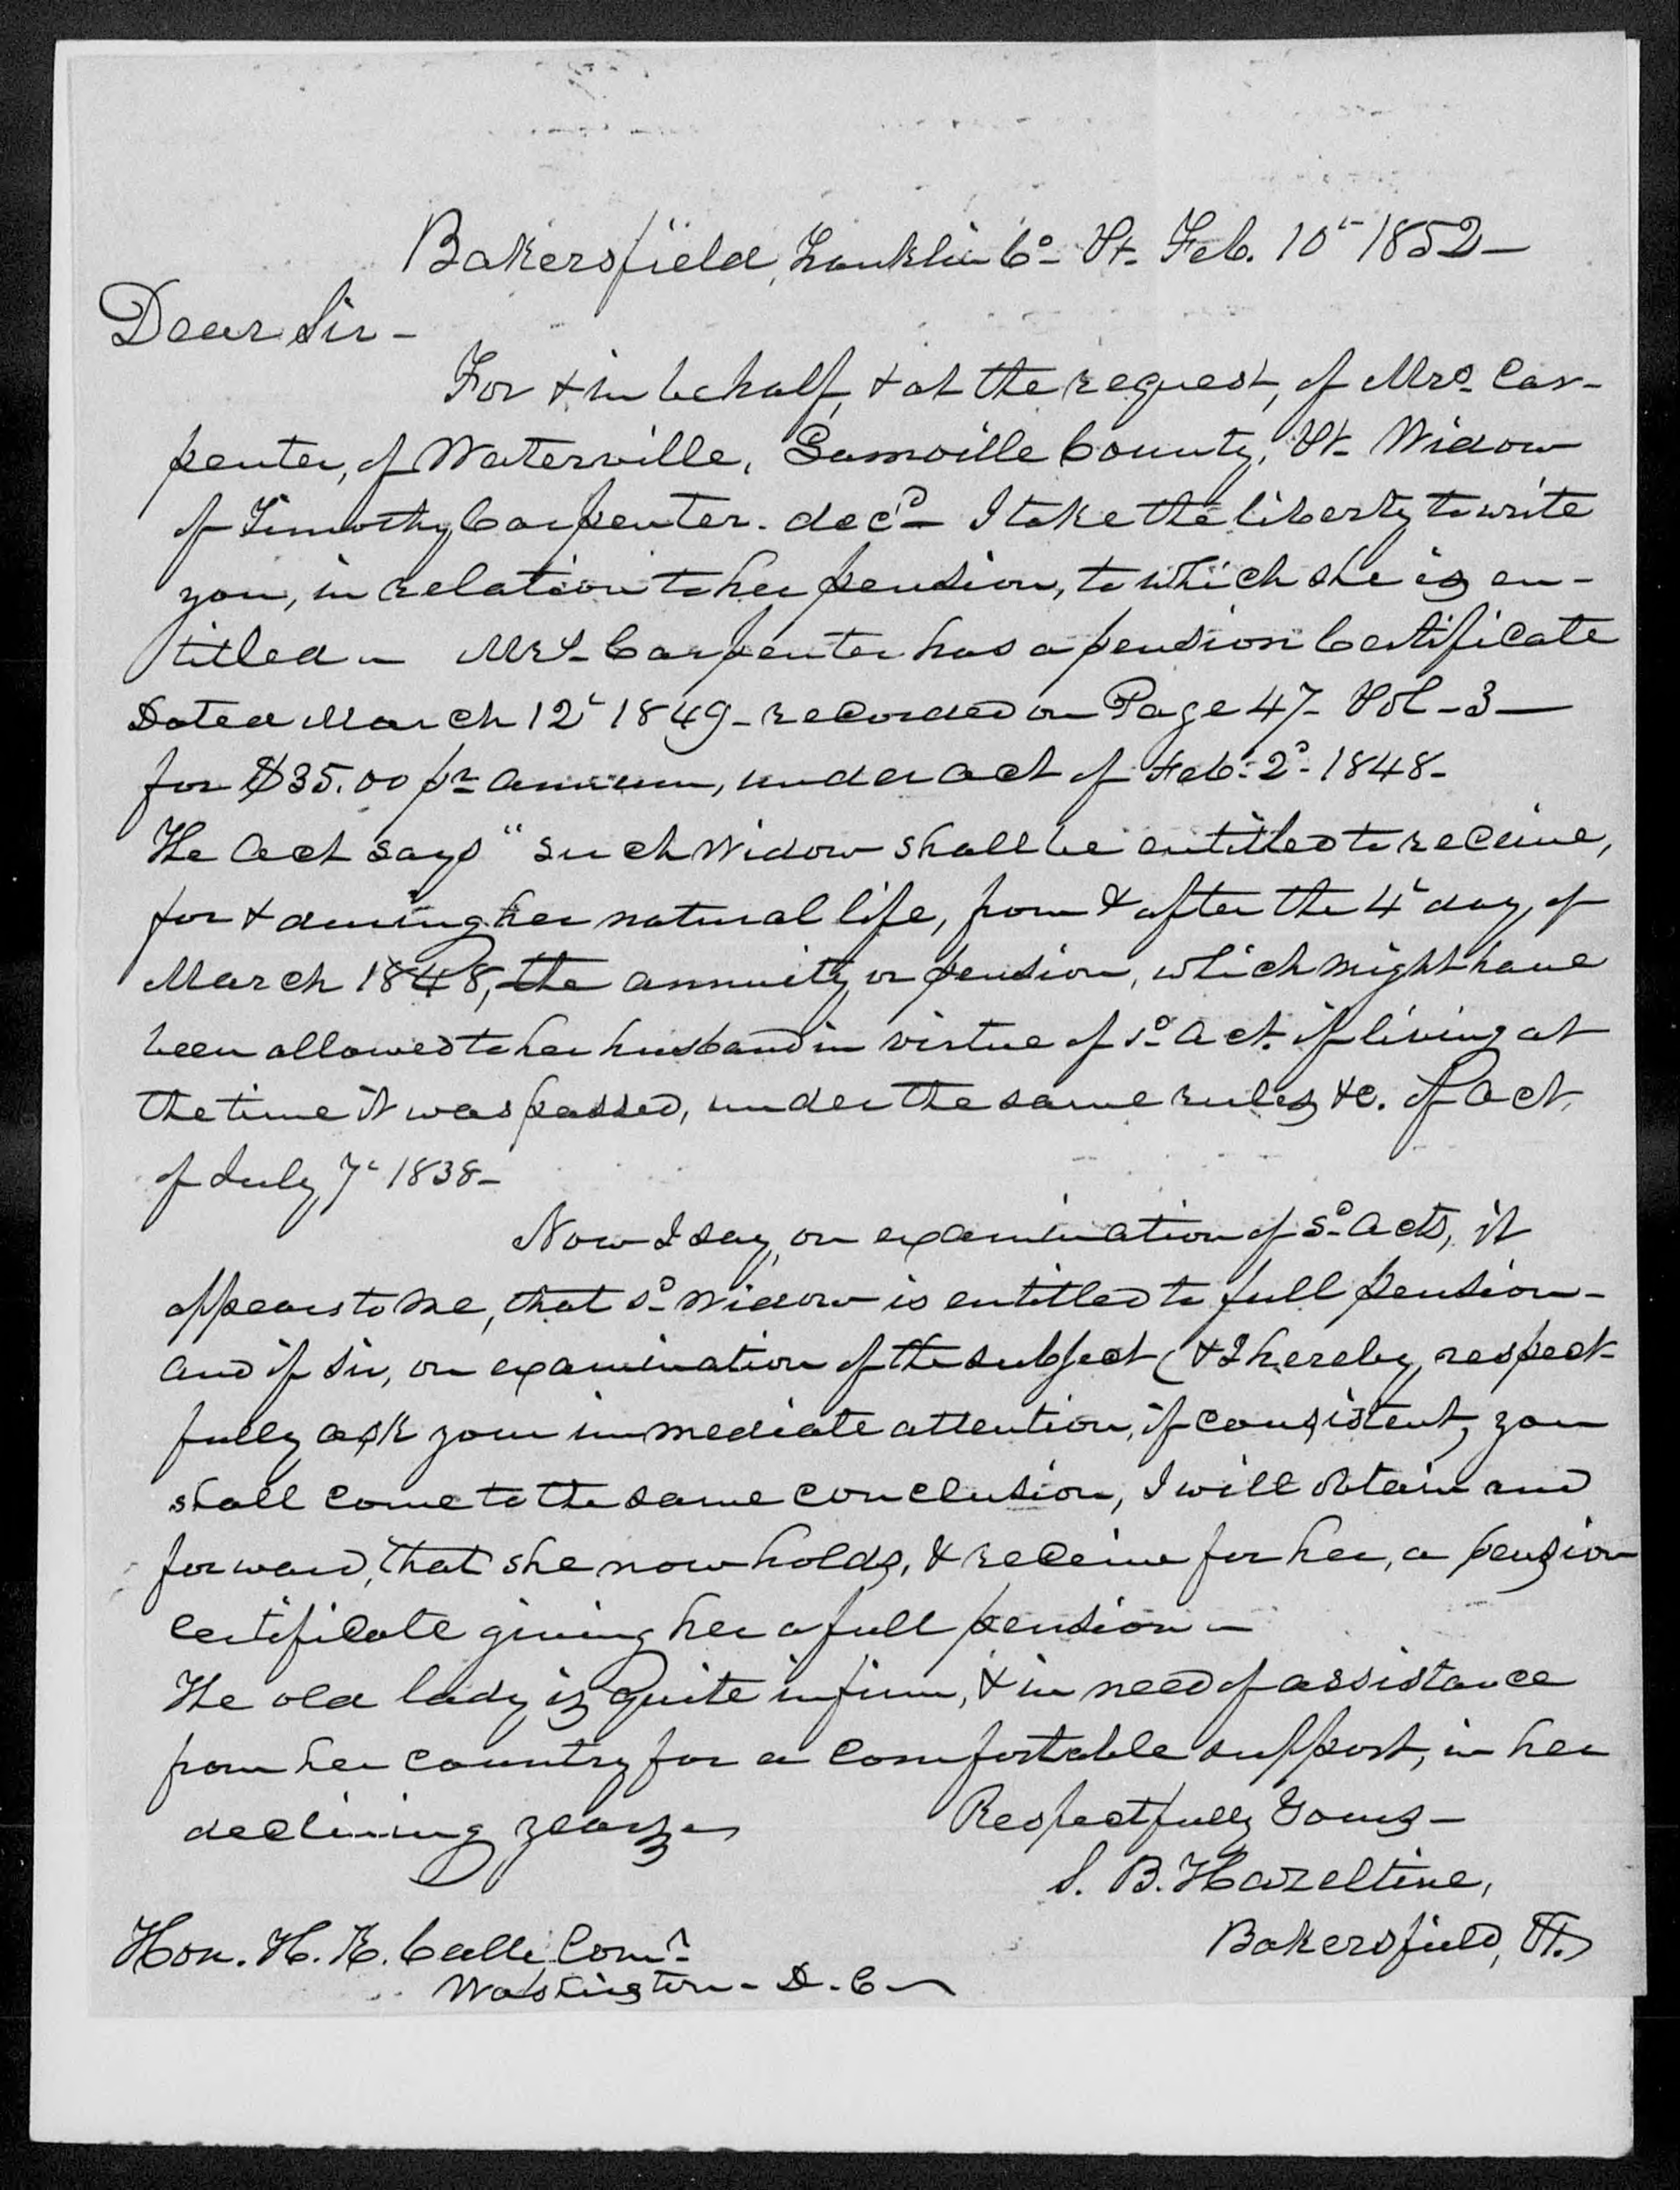Bakersfield, Franklin Co - Vt. Feb. 10th 1852 - 
Dear Sir - 
For + in behalf, + at the request of Mrs. Carpenter of Waterville, Lamoille County, Vt. Widow of Timothy Carpenter, dec'd - I take the liberty to write you, in relation to her pension, to which she is entitled - Mrs. Carpenter has a pension Certificate Dated March 12th 1849 - recorded on Page 47 - Vol 3 - for $35.00 per annum, under act of Feb. 2d 1848 - 
The Act says "such widow shall be entitled to receive, for + during her natural life, from + after the 4th day of March 1848, the annuity or pension which might have been allowed to her husband in virtue of s'd Act if living at the time it was passed, under the same rules &c. of Act of July 7th 1838 - 
Now I say, on examination of s'd Acts, it appears to me, that s'd widow is entitled to full pension - and if sir, on examination of the subject + I hereby respectfully ask your immediate attention, if consistent, you shall come to the same conclusion, I will obtain and forward that she how holds, + receive for her, a pension certificate giving her a full pension - 
The old lady is quite infirm, + in need of assistance from her country for a comfortable support, in her declining years - 
Respectfully Yours - 
/s/S. B. Hazeltine, Bakersfield, Vt.

Hon. H. R. Calle 
Washington D. C.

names: S B Hazeltine, Carpenter, H R Calle, Carpenter, Timothy Carpenter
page: 24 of 41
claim: widow's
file: W. 15627, Timothy Carpenter, Vt.